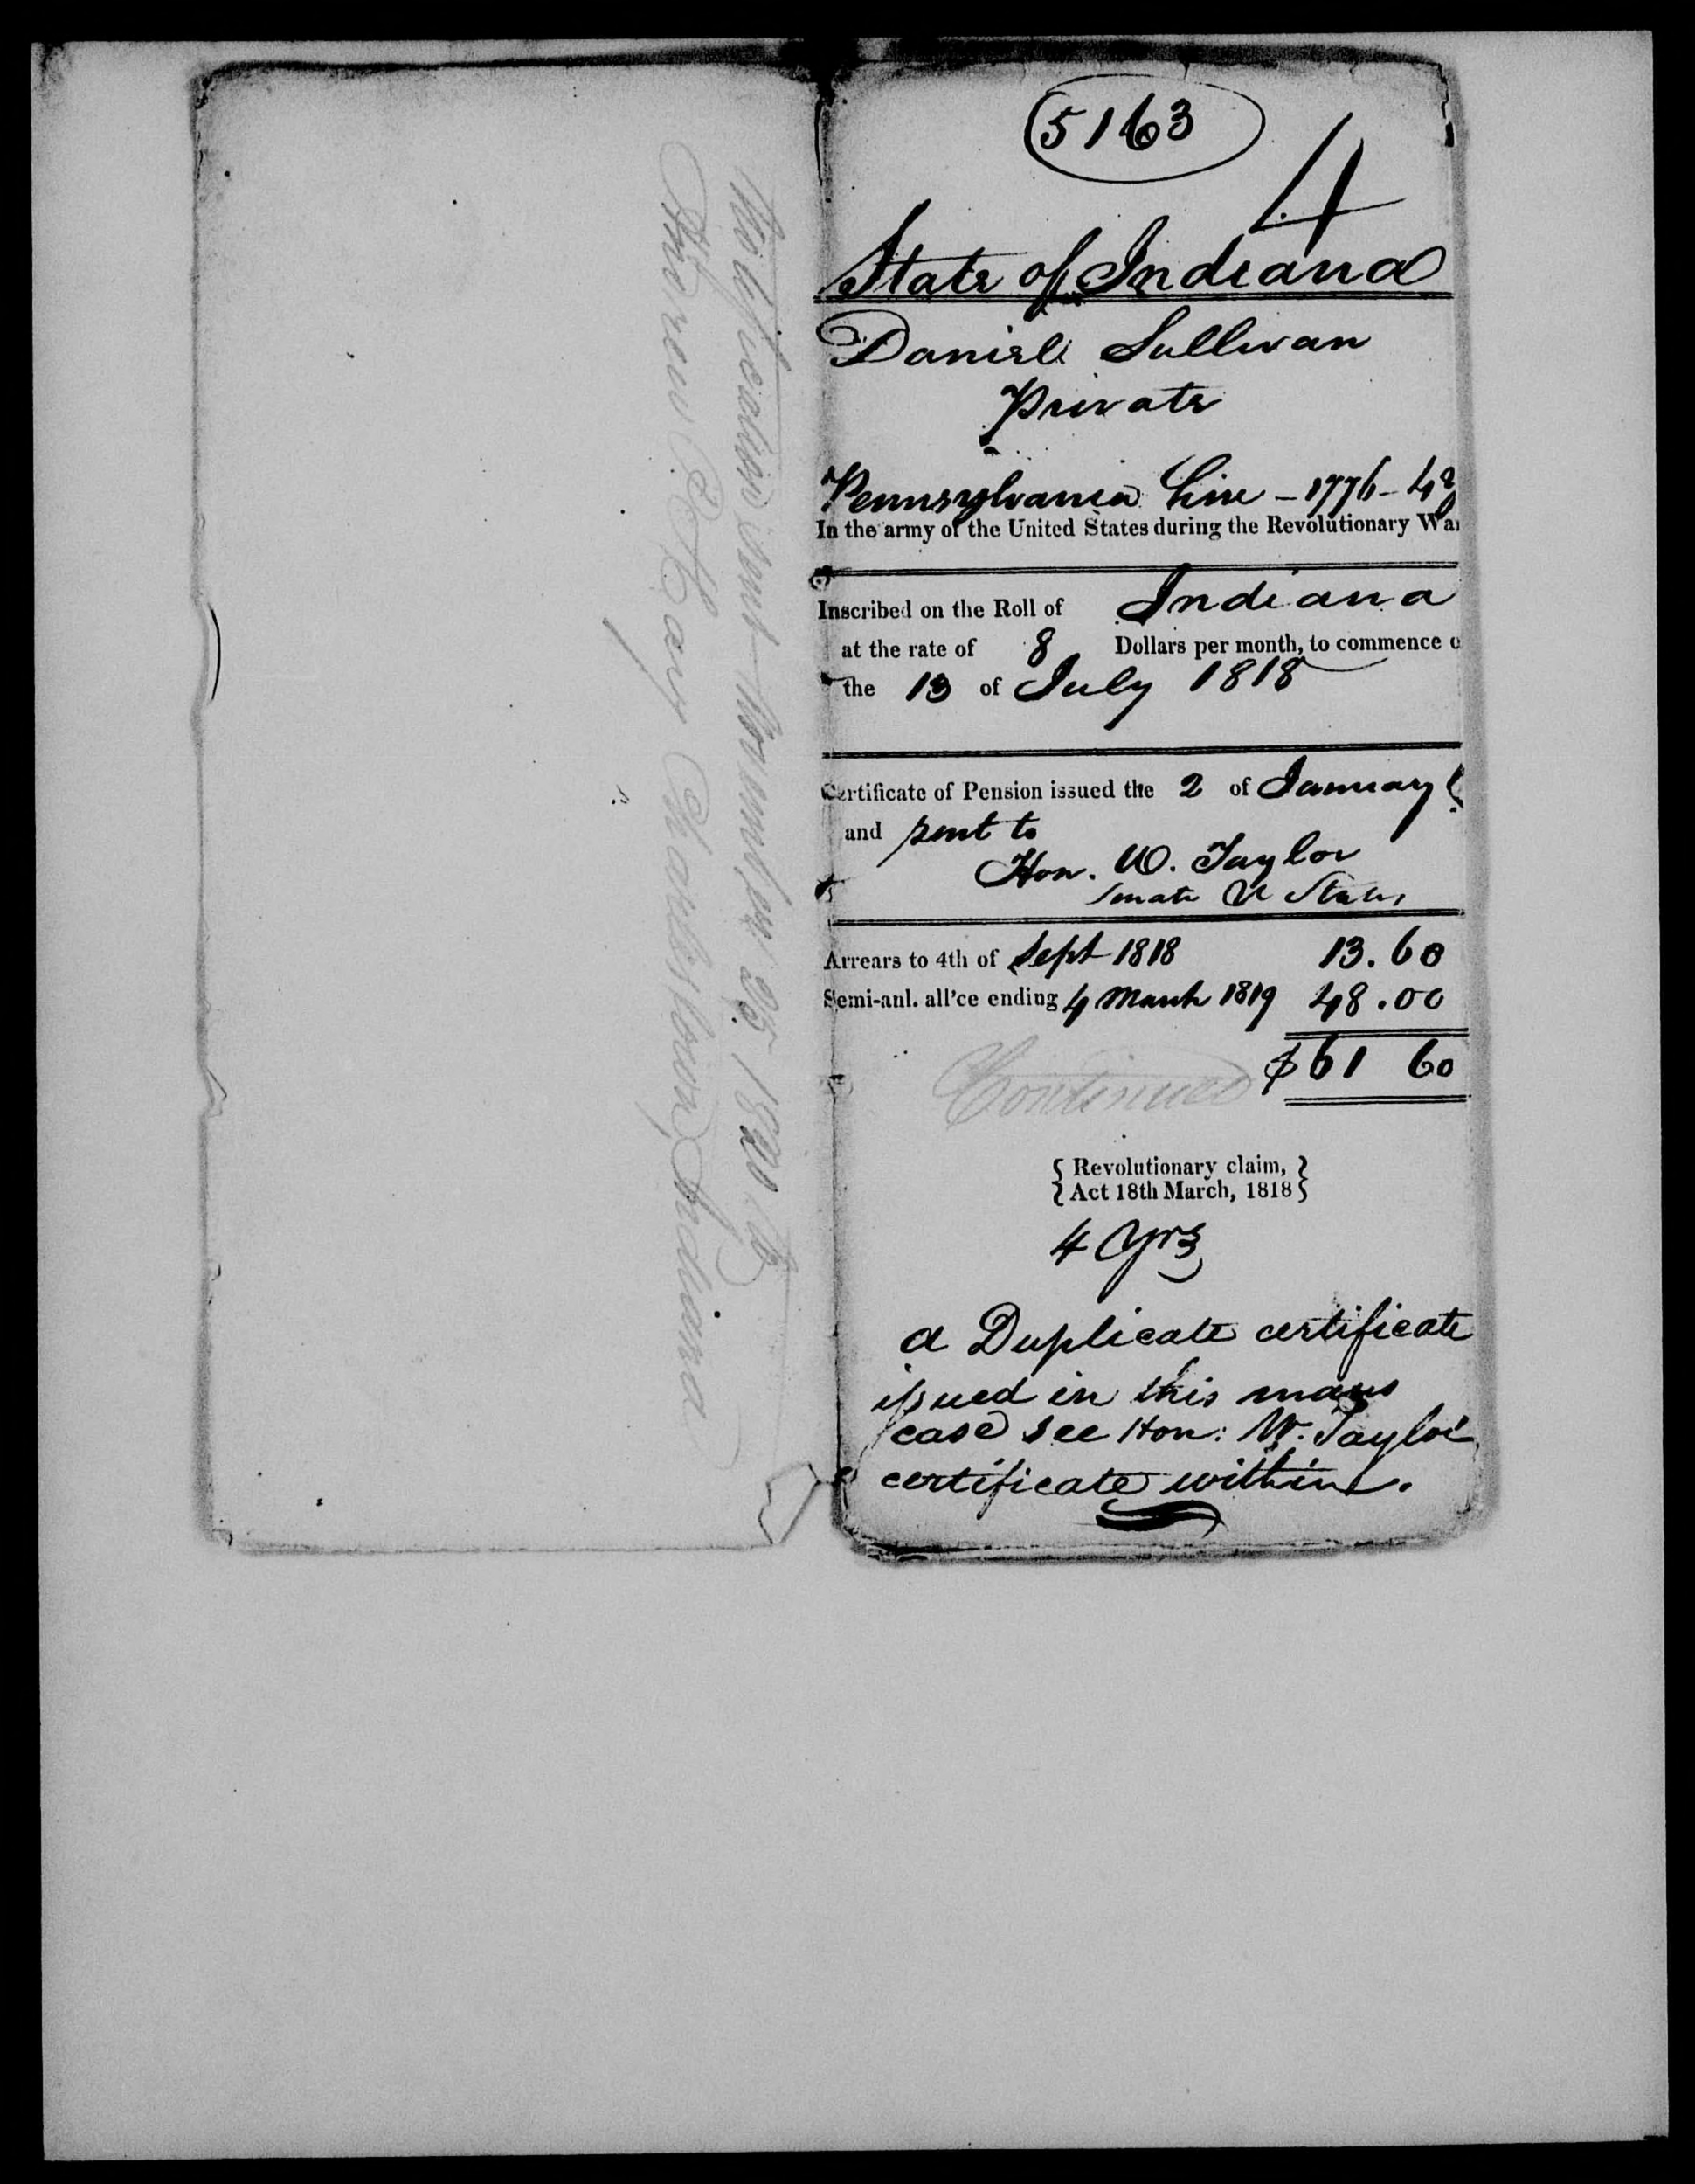[two page document]
[left page]

No certification sent - November 25, 1820
Andrew P Hay, Charlestown, Indiana

[right page, printed form, blanks filled by hand] 

5163

4
State of Indiana
==========
Daniel Sullivan
Private

Pennsylvania Line 1776 4 yrs
In the army of the United States during the Revolutionary War
==========
Inscribed on the Roll of Indiana at the rate of 8 Dollars per month to commence on the 13th of July 1818.
==========
Certificate of Pension issued the 2 of January [torn off] and sent to Hon. W Taylor
Senate U. States
==========
Arrears to 4th of Sept 1818 13.60
Semi'anl all'ce ending 4 March 1819 48.00
====
$61.60
====
Continued

{ Revolutionary claim,Act 18th March 1818}
4 yrs

a duplicate certificate issued in this man's case - see Hon W. Taylor certificate within.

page: 6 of 78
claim: widow's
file: W. 25,169, for Daniel Sullivan, Maryland